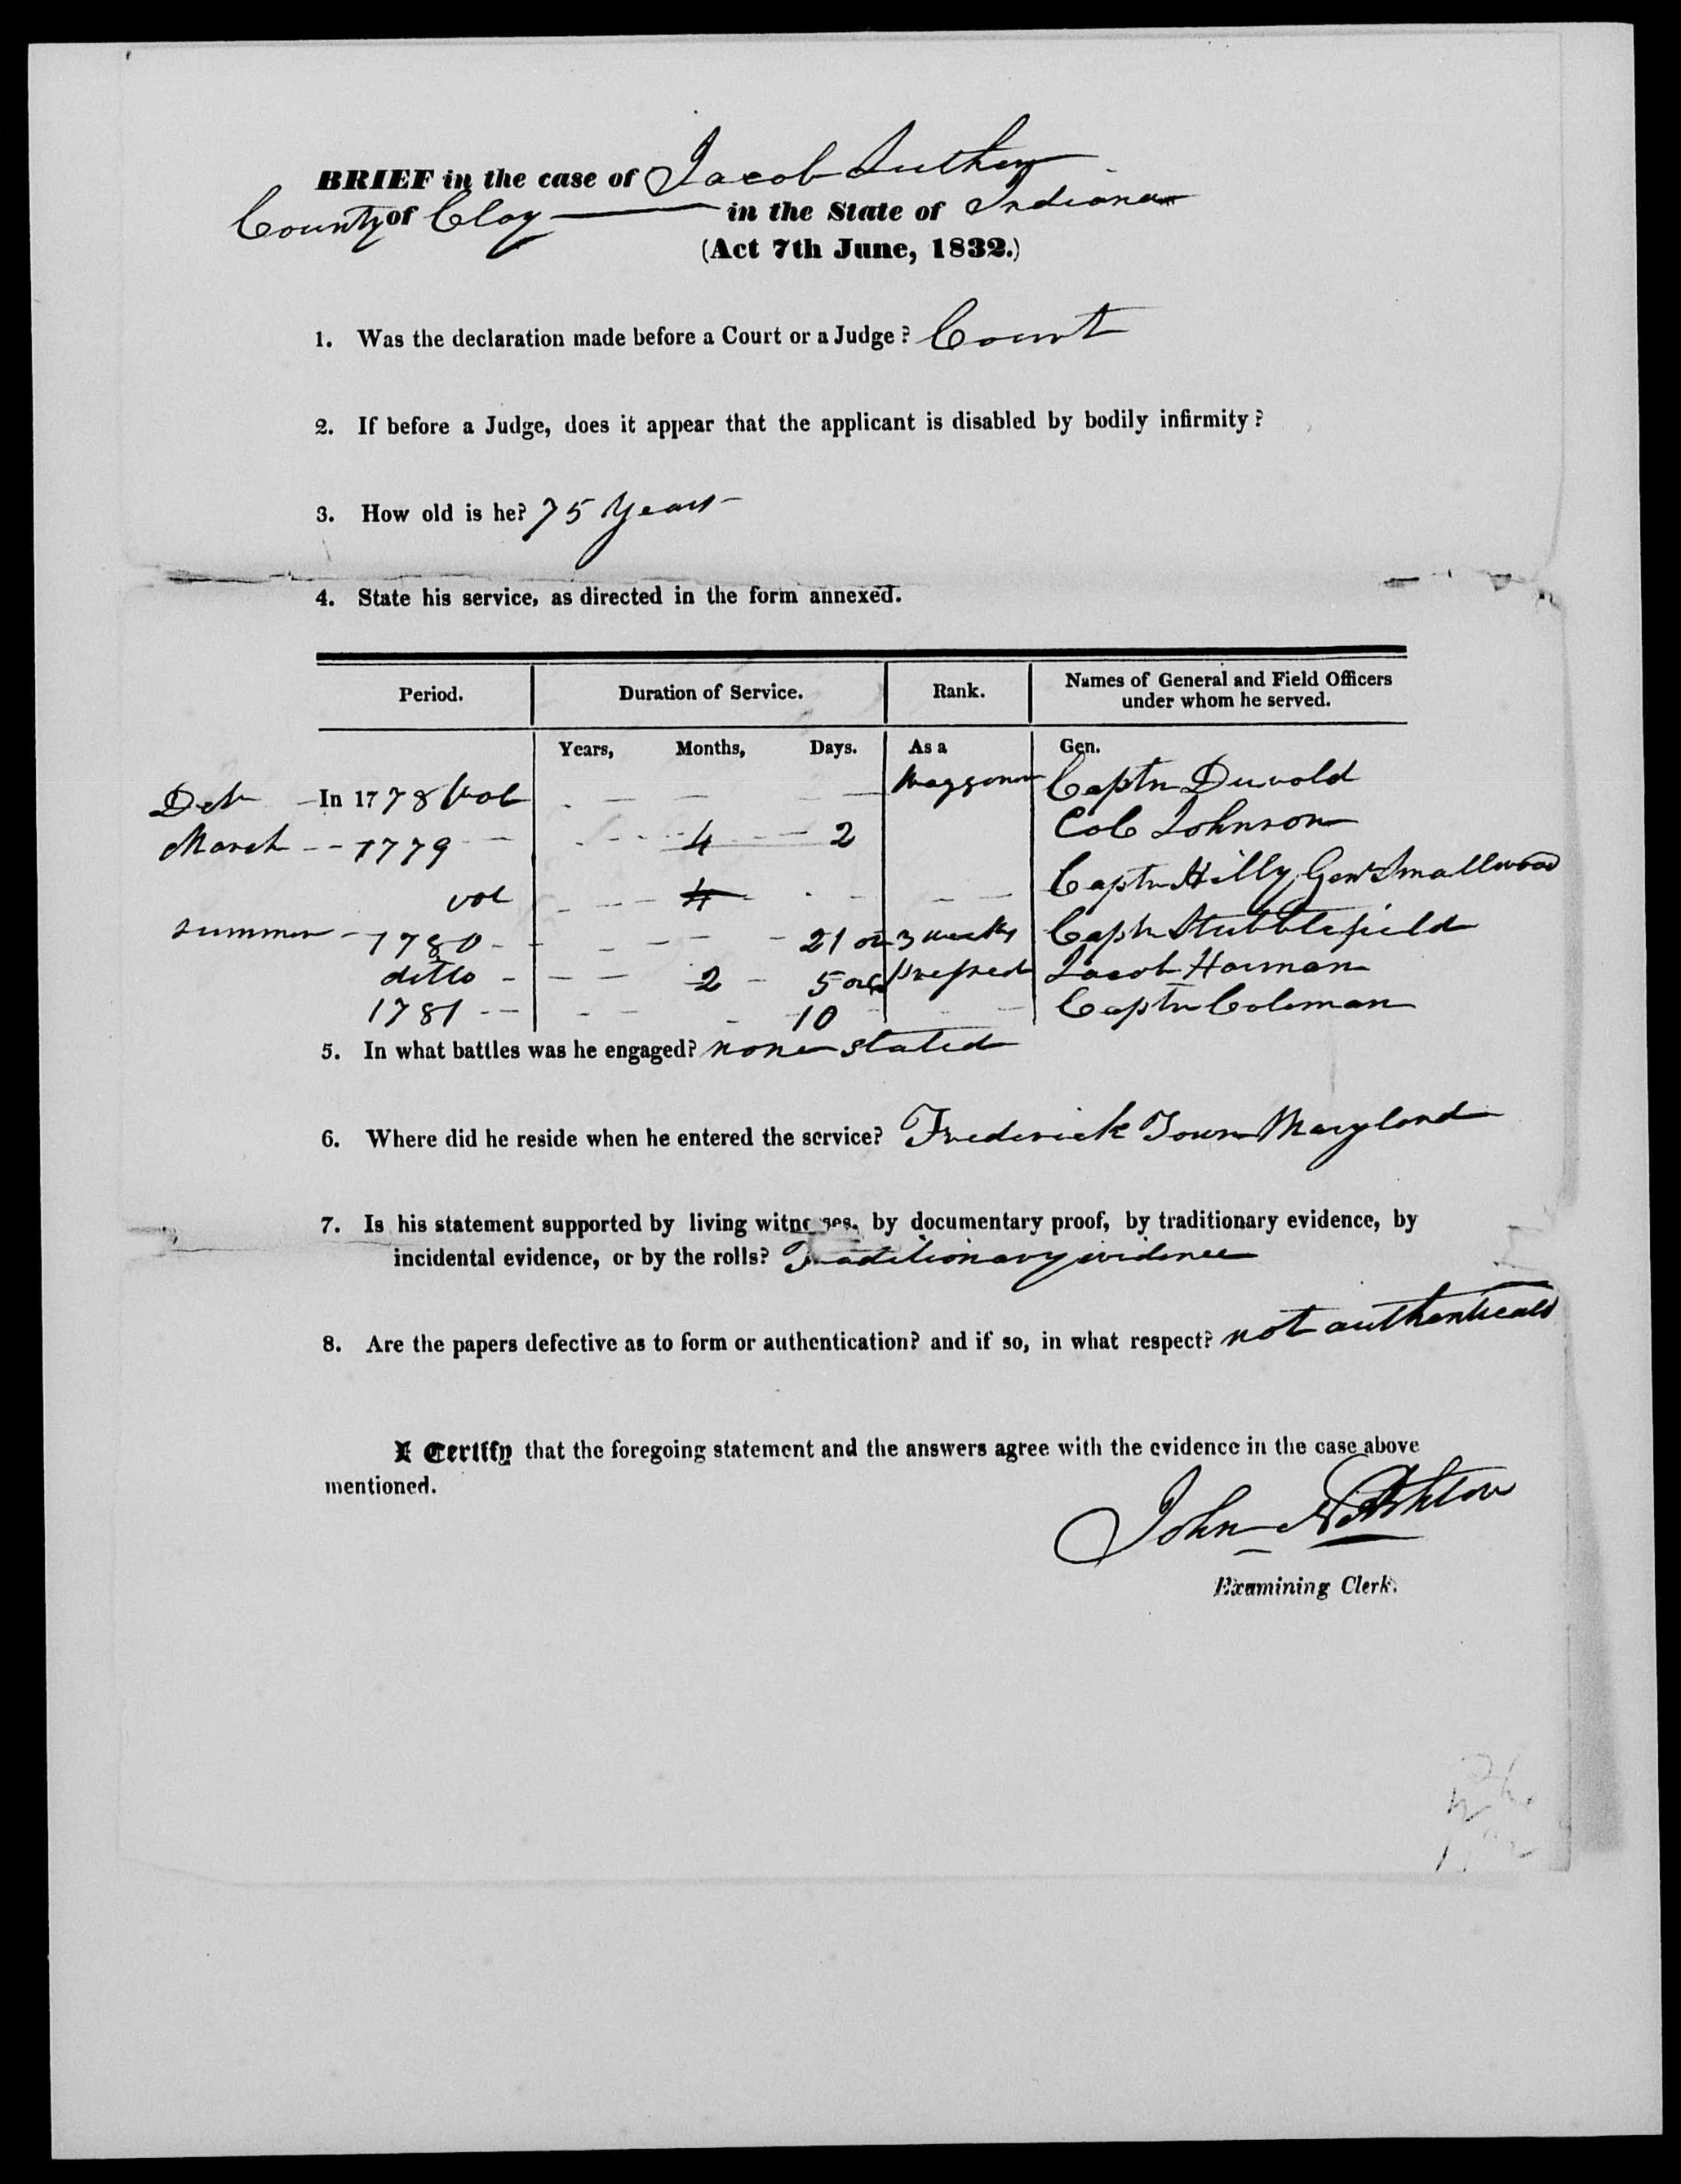BRIEF in the case of Jacob Luther 
County of Clay in the State of Indiana 
(Act 7th June, 1832.) 

1. Was the declaration made before a Court or a Judge? Court 

2. If before a Judge, does it appear that the applicant is disabled by bodily infirmity? 

3. How old is he? 75 years 

 4. State his service, as directed in the form annexed. 
[headings] Period. | Duration of Service. | Rank. | Names of General and Field Officers under whom he served.
[heading under duration of service] 
Years, months, Days. 
[heading under Rank] As a 
[start cursive table entries]
Debr - In 1778 |           | Waggoner | Captn Duwold
March--1779   |- -4- -2┃         |  Col Johnson
vol                    |               |          |  Captn Hilly Genl Smallwood
Summer 1780 |- - - -21 or 3 weeks|  Captn Stubblefield
ditto                 | - -2 - 5 or so | [illegible] |  Jacob Harman
1781                  |  - - - 10 |        | Captn Coleman

5. In what battles was he engaged? none stated 

6. Where did he reside when he entered the service? Frederick Town Maryland 

7. Is his statement supported by living witnesses, by documentary proof, by traditionary evidence, by incidental evidence, or by the rolls? Traditionary evidence  

8. Are the papers defective as to form or authentication? and if so, in what respect? not authenticated 

Certify that the foregoing statement and the answers agree with the evidence in the case above 
[cursive signature] John [ illegible]
Examining Clerk.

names: [BLANK] Coleman; [BLANK] Duvold; [BLANK] Johnson; Jacob Luther; John N Ashton; [BLANK] Stubblefield; [BLANK] Harman; [BLANK] Smallwood; [BLANK] Hilly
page: 3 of 23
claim: rejected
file: R. 6533, for Jacob Luther, Maryland